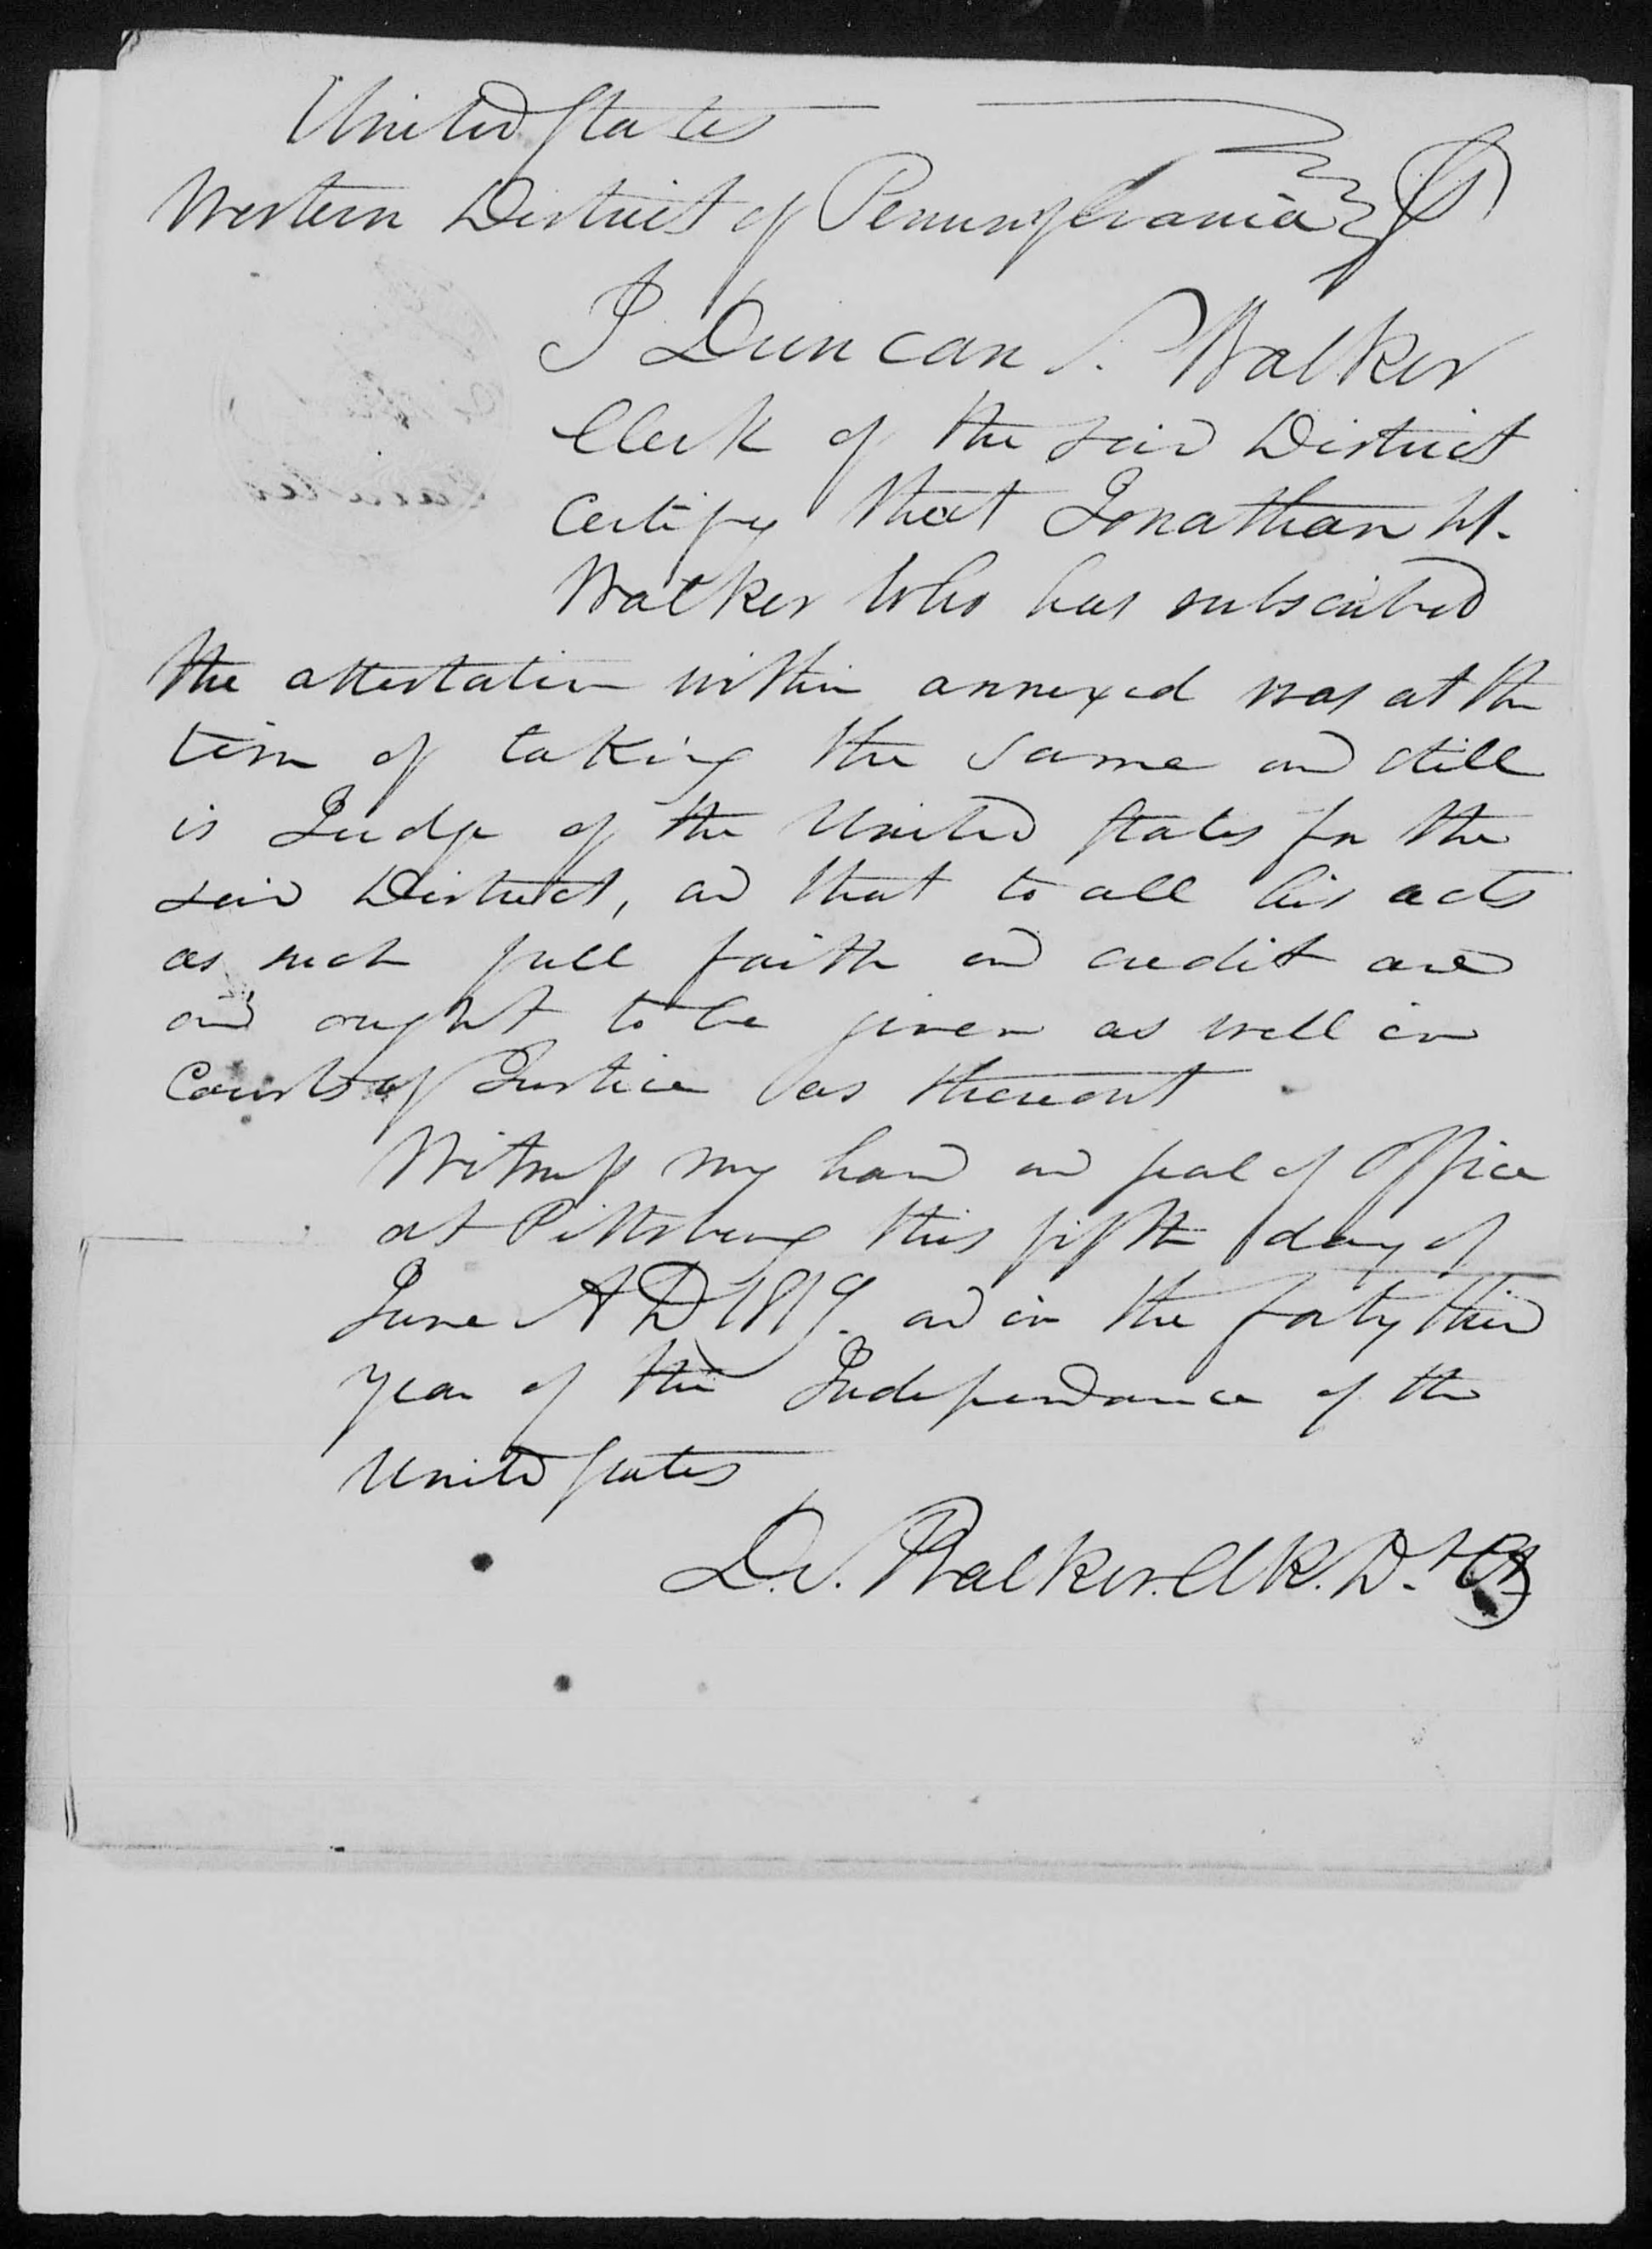[handwritten]
United States
Western District of Pennsylvania

I Duncan S. Walker Clerk of the Said District certify that Jonathan H. Walker who has subscribed the attestation within annexed was at the time of taking the Same and still is Judge of the United States for the Said District, and that to all his acts as such full faith and credit are and ought to be given as well in Courts of Justice as thereout.
Witness my hand and Seal of Office at Pittsburg this fifth day of June AD 1819 and in the forty third year of the Independence of the United States

D. S. Walker Clk Dt [illegible]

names: Jonathan H Walker, D S Walker, Duncan S Walker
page: 7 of 19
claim: survivor's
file: S. 40,018, George Bowers, Md